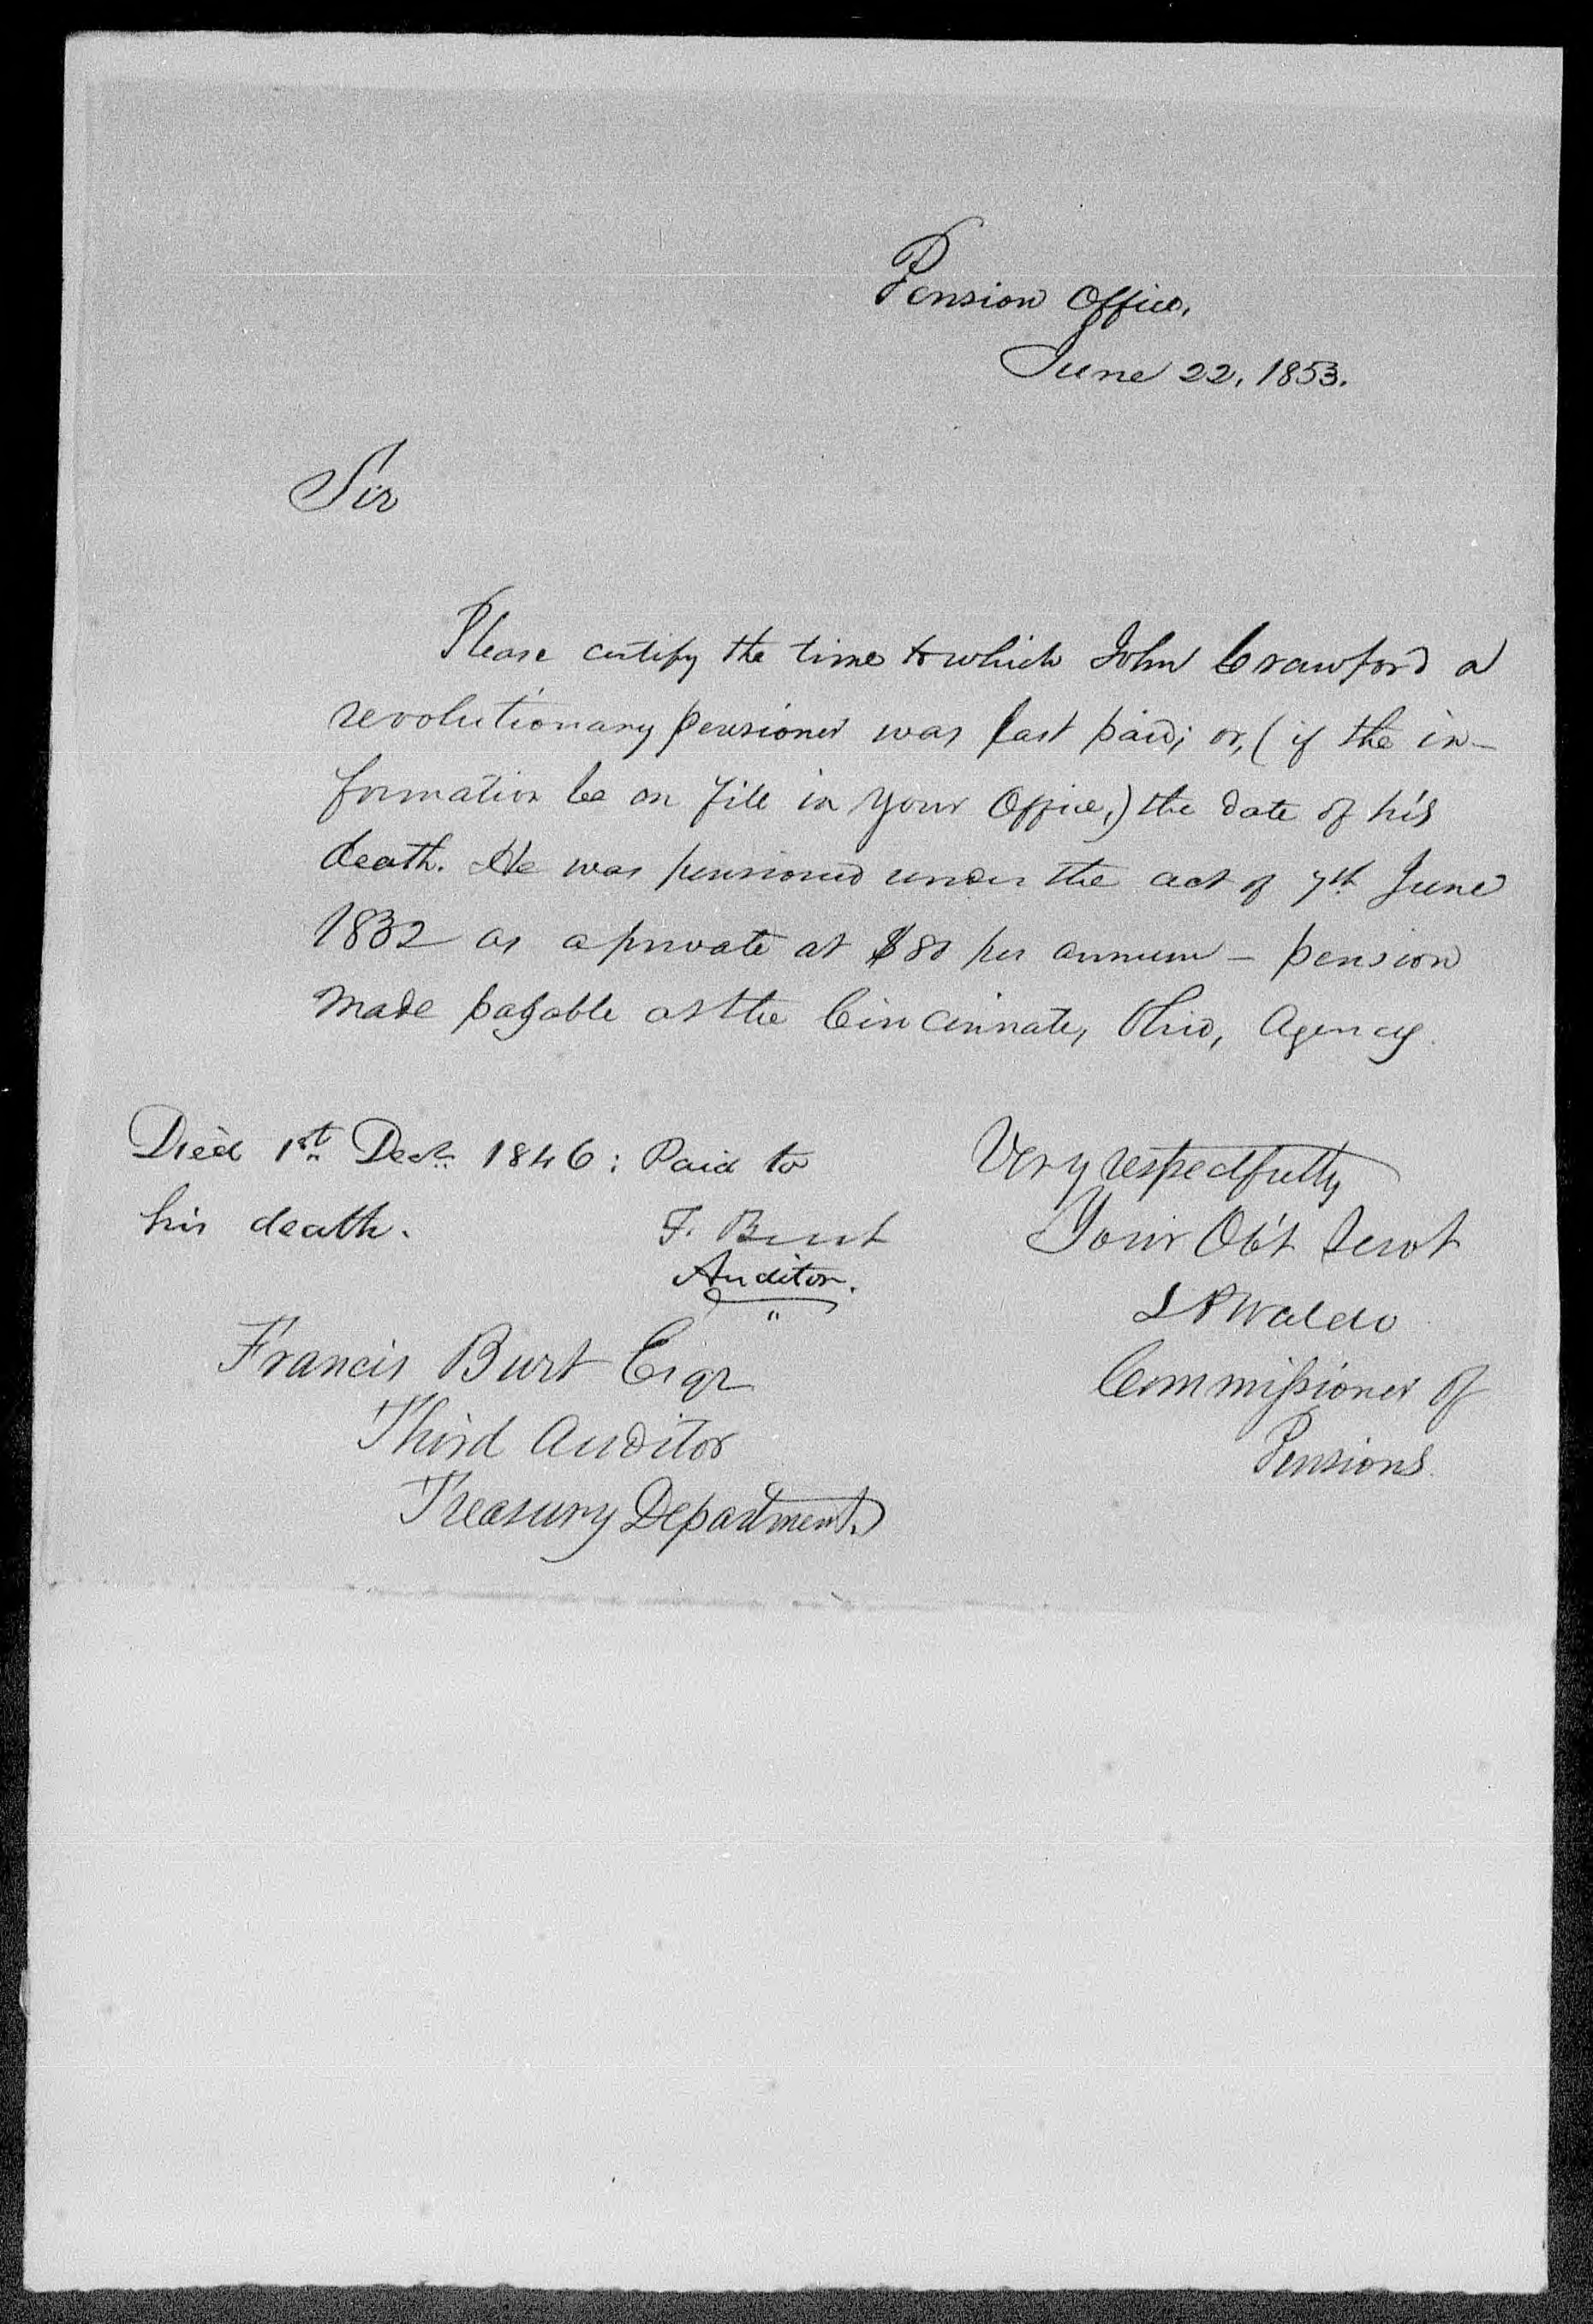Pension Office
June 22, 1853.
Sir, 
Please certify the time to which John Crawford, a revolutionary pensioner, was last paid; or, (if the information be on file in your office) the date of his death. He was pensioned under the act of 7th June 1832 as a private at $80 per annum -- pension made payable at the Cincinnati, Ohio, Agency
Very respectfully,
Your Obd. Servant
L.P. Waldo
Commissioner of Pensions

Died 1st Dec.1846; paid to his death
F. Burt
Auditor.
Francis Burt Esqr
Waldo
Third Auditor
Treasury Department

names: Francis Burt, John Crawford, L P Waldo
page: 40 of 80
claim: widow's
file: W 2070, John Crawford, Penn.